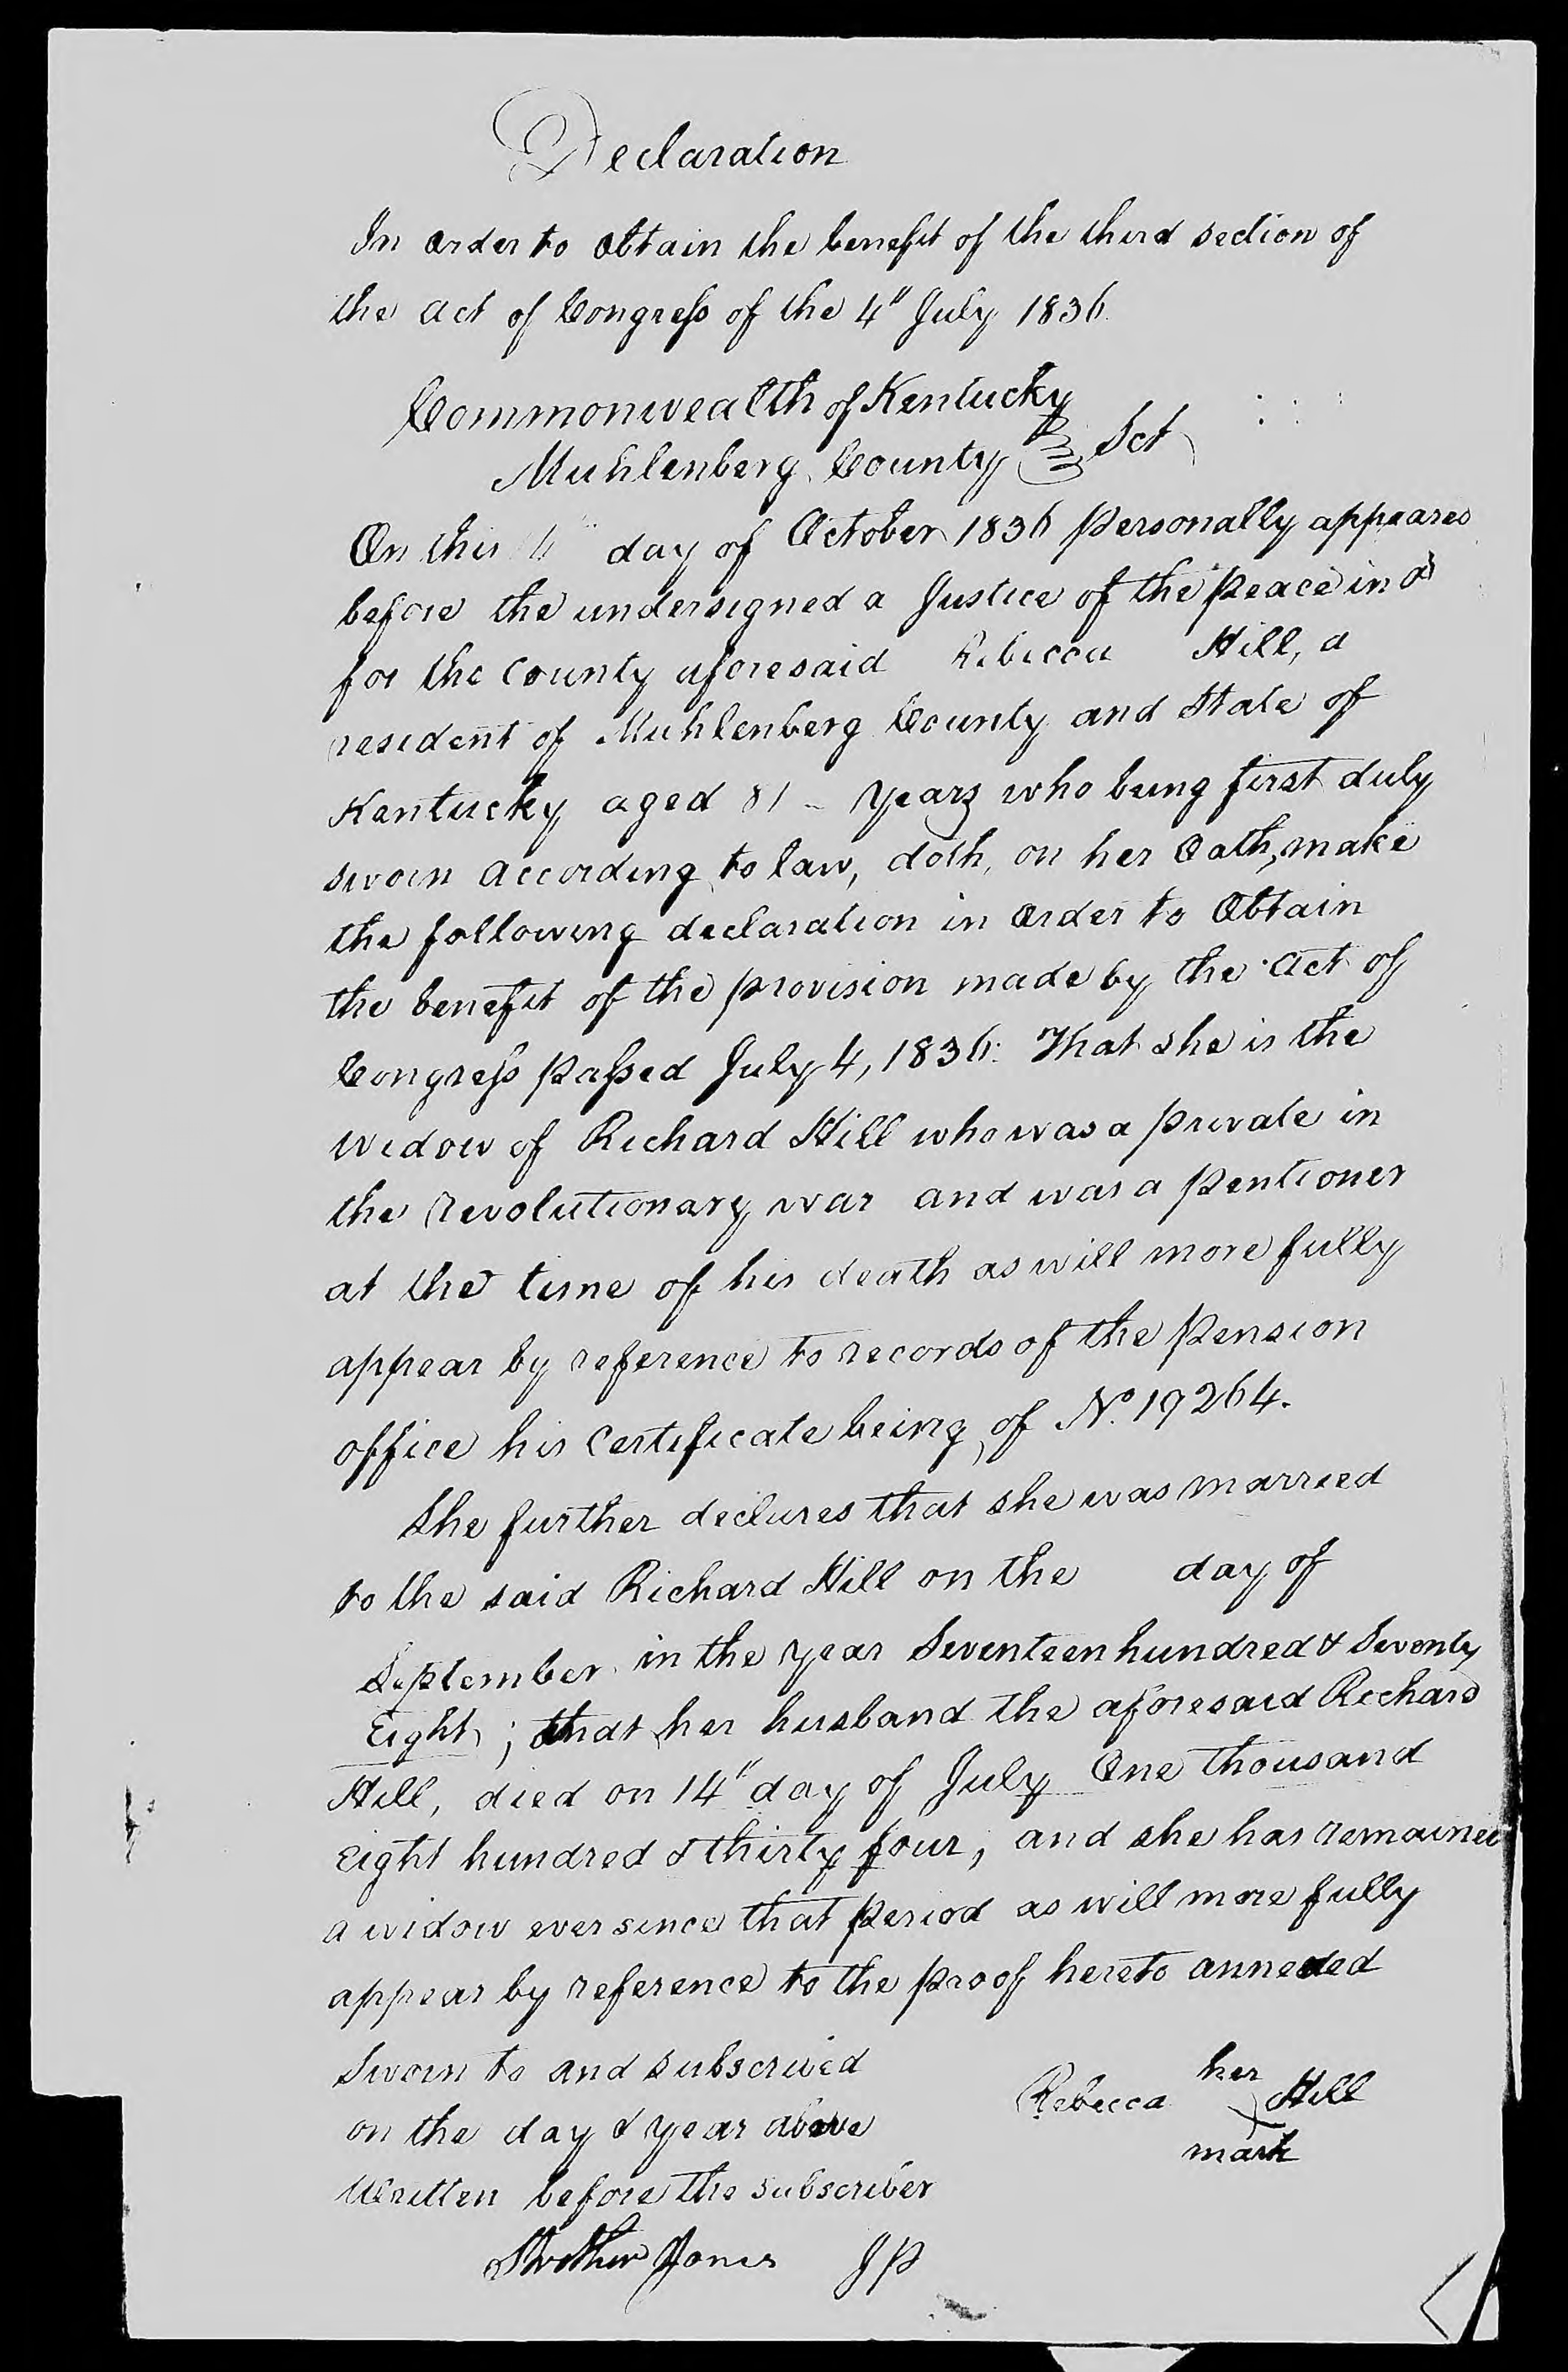Declaration

In order to obtain the benefit of the third section of the act of Congress of the 4 July 1836
Commonwealth of Kentucky}
Muhlenberg County} Sct 

On this 14th day of October 1836 personally appeared before the undersigned a Justice of the peace in for the County aforesaid Rebecca Hill, a resident of Muhlenberg County and State of Kentucky aged 81 years who being first duly sworn according to law, doth, on her oath, make the following declaration in order to obtain the benefit of the provision made by the act of Congress passed July 4, 1836. That she is the widow of Richard Will who was a private in the Revolutionary war and was a pentioner [pensioner] at the time of his death as will more fully appear by reference to records of the pension office his certificate being of No 19264. 

She further declares that she was married to the said Richard Hill on the  [blank] day of September in the year Seventeen hundred & Seventy Eight; that her husband the aforesaid Richard Hill, died on 14th day of July One thousand Eight hundred & thirty four, and she has remained a widow ever since that period as will more fully appear by reference to the proof hereto annexed. 
Sworn to and subscribed on the day & year above Written before the subscriber 
Rebecca [her x mark] Hill
Strother Jones JP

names: Rebecca Hill, Strother Jones, Richard Hill, Richard Hill, Richard Hill, Rebecca Hill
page: 17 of 27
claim: rejected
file: R. 5006, Richard Hill, N.C.